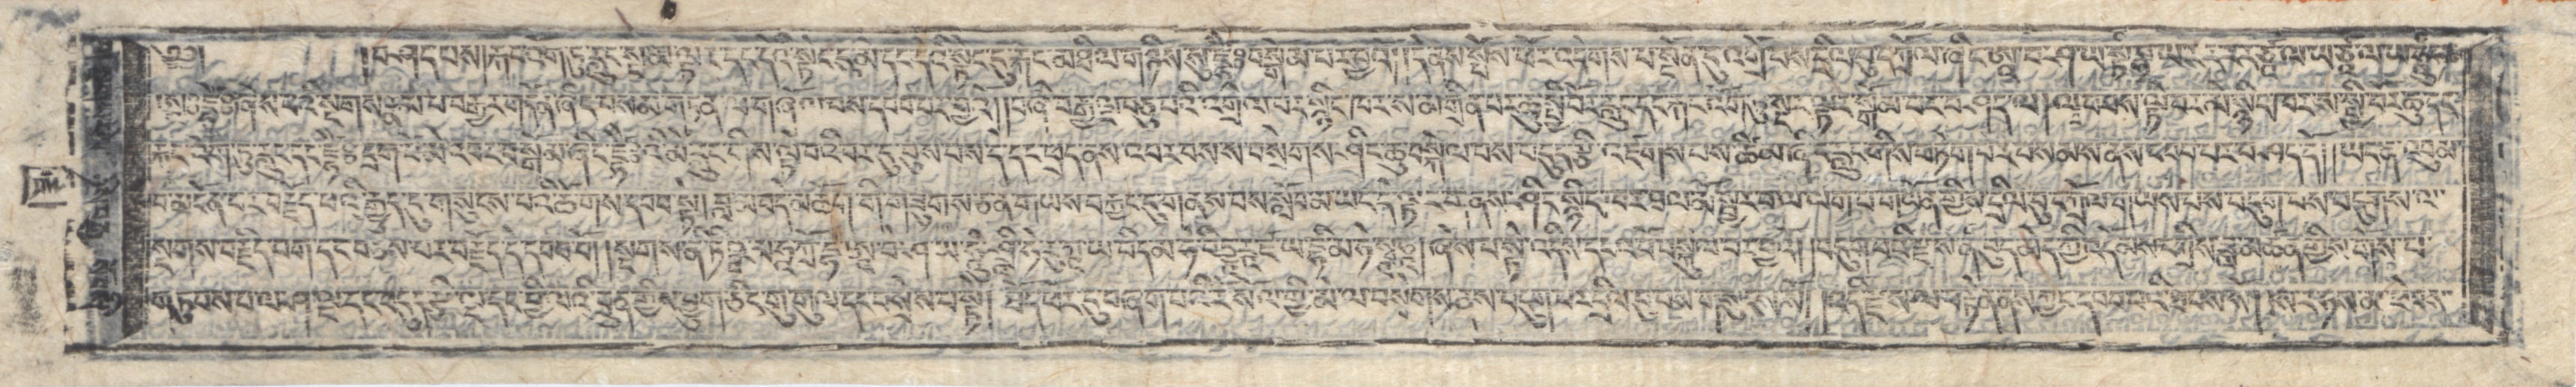༄༅། །བཤད་པས། རྐང་འོག་ཏུ་རླུང་སྔ་མ་ལྟར་དང་དེའི་སྟེང་དུ་མེ་དང་དེའི་སྟེང་དུ་རྐང་མཐིལ་གཉིས་སུ་ཛྷཻཿ བསྒོམ་པར་བྱའོ། །དེ་ནས་སྤོས་ཕོར་འདེགས་པ་སྔོན་དུ་འགྲོ་བས་དྲིལ་བུ་དཀྲོལ་ཞིང་ཨཱ་བ་ཤ་ཡ་སྟི་བྷ་ཡ་རར་རར་ཙཱ་ལ་ཡ་ཙཱ་ལ་ཡ་ཧཱུཾ་ཧཿ
ཨཱཿ ཛྷཻཿ ཞེས་པའི་སྔགས་རྣམ་པ་བརྒྱར་གདོན་ཞིང་བསམ་གཏན་ལ་གཞོལ་བས་དབབ་པར་བྱའོ། །བཞི་བརྒྱ་ལྔ་བཅུ་པའི་འགྲེལ་པར་སྙིང་ཁར་ས་མགྲིན་པར་ཆུ་སྤྱི་བོར་རླུང་དང་རྐང་འོག་ཏུ་སྔར་ལྟར་སྒོམ་པར་བཤད་ལ། ལྭ་བ་པས་ལྟེ་བར་མེ་སྙིང་ཁར་ས་སྤྱི་བོར་ཆུ་དང་
རྐང་འོག་ཏུ་རླུང་དང་ཛྷཻཿ དྲག་པོ་མེ་འབར་བསྒོམ་ཞིང་ཛྷཻཿ འི་མེ་རླུང་གིས་ལྟེ་བའི་བར་དུ་བུས་པས་དེ་དང་ཕྲད་ནས་འབར་བས་ས་བསྲེགས་ཤིང་ཆུ་བསྐོལ་བས་བདུད་རྩི་འཛགས་པས་ཚིམ་ཞིང་རླུང་གིས་བཏེག་པར་བསམས་ནས་དབབ་པར་བཤད་དོ། །ཡང་ན་འབུམ་
བ་མངོན་པར་བརྗོད་པའི་རྒྱུད་དུ་གསུངས་པའི་ཆོ་གས་དབབ་སྟེ། བླ་མ་བདེ་མཆོག་གི་གཟུགས་ཅན་གཡས་བརྐྱང་དུ་གནས་བས་སློབ་མ་ཡང་དེ་ལྟར་གནས་ཤིང་སྙིང་ཁར་ཐལ་མོ་སྦྱར་བ་ལ་ལག་པ་གཡོན་གྱིས་དྲིལ་བུ་དཀྲོལ་གཡས་པས་བདུག་པས་བདུགས་ལ་
སྔགས་བརྗིད་བག་དང་བཅས་པར་བརྗོད་དེ་དབབ་བོ། །སྔགས་ནི་ཏིཥཊཿཨ་མ་ཧཱ་ཀྲོ་དྷ་ཨཱ་བེ་ཤ་ཡ་ཧཱུཾ་ཤྲཱི་ཧེ་རུ་ཀཱ་ཡ་བིད་མ་ཧེ་བིདྱཱ་རཱ་ཛ་ཡ་དྷི་མ་ཧེ་སྭཱཧཱ། ཞེས་པ་སྟེ་འདིས་དཔའ་བོ་བསྐུལ་བར་བྱའོ། །བདུག་པའི་རྫས་ནི་བུད་མེད་ཀྱི་འདོམས་དཀྲིས་ཟླ་མཚན་གྱིས་གོས་པ་
གཏུབས་པ་ལ་ཤ་ལྔ་དང་བདུད་རྩི་ལྔ་དང་བྱི་ལའི་བྲུན་གྱིས་བྱུག་ཅིང་གུ་གུལ་དང་བསྲེས་པ་སྟེ། ཐོད་ཕོར་དུ་བཞག་པའི་རོ་སོལ་གྱི་མེ་ལ་བསྲེགས་ནས་བདུག་པར་དྲིལ་བུ་བས་གསུངས་སོ། །འདི་རྫས་ལ་བརྟེན་ནས་ཀྱང་དབབ་པའི་ཐབས་སོ། །ས་ར་ཧས་མ་ཕེབས་